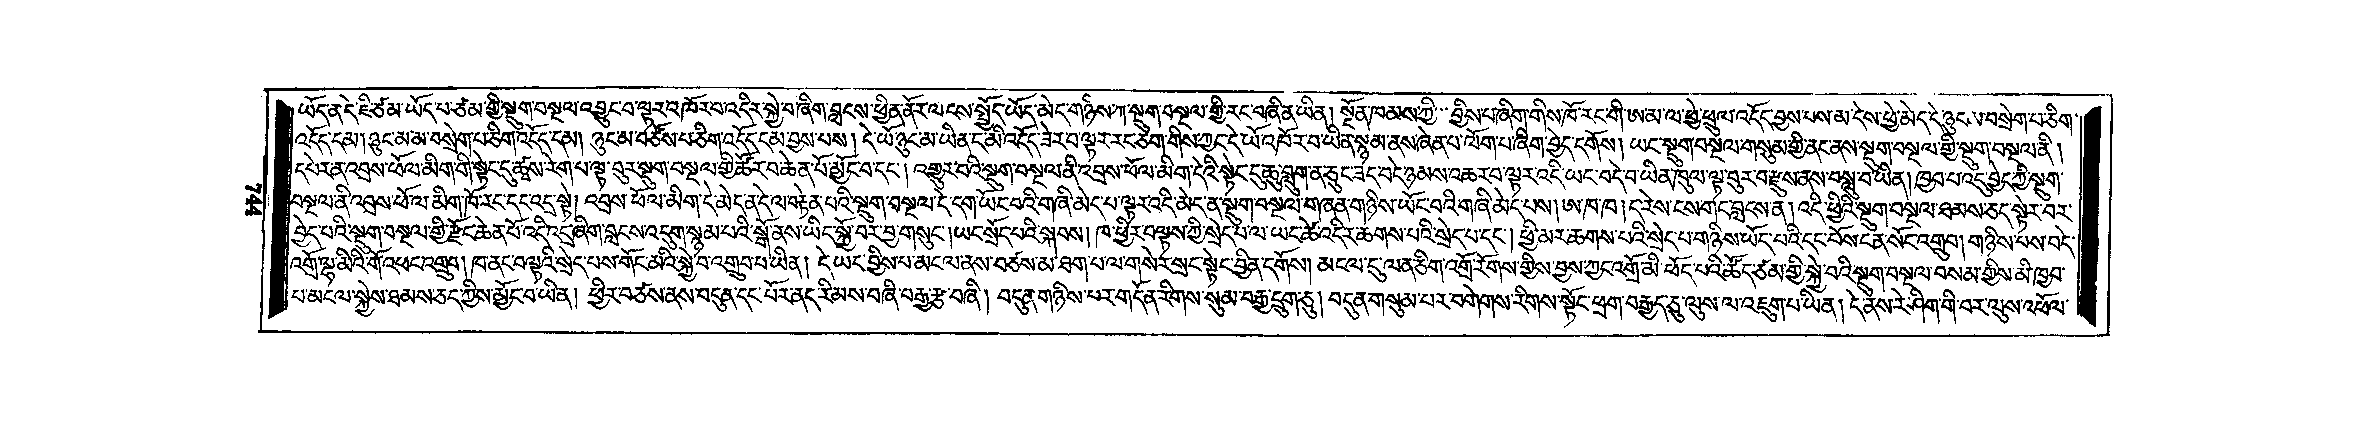ཡོད་ན་དེ་ཇི་ཙམ་ཡོད་པ་ཙམ་གྱི་སྡུག་བསྔལ་འབྱུང་བ་ལྟར་འཁོར་བ་འདིར་སྐྱེ་བ་ཞིག་བླངས་ཕྱིན་ནོར་ལངས་སྤྱོད་ཡོད་མེད་གཉིས་ཀ་སྡུག་བསྔལ་གྱི་རང་བཞིན་ཡིན། སྔོན་ཁམས་ཀྱི་བྱིས་པ་ཞིག་གིས་ཁོ་རང་གི་ཨ་མ་ལ་ཕྱེ་ཕྲུལ་འདོད་བྱས་པས་མ་དེས་ཕྱེ་མེད་དེ་ཉུངས་བསྲེག་པ་ཅིག །
འདོད་དམ། ཉུང་མ་མ་བསྲེག་པ་ཅིག་འདོད་དམ། ཉུང་མ་བཙོས་པ་ཅིག་འདོད་དམ་བྱས་པས། དེ་ཡོ་ཉུང་མ་ཡིན་ད་མི་འདོད་ཟེར་བ་ལྟར་རང་ཅག་གིས་ཀྱང་དེ་ཡོ་འཁོར་བ་ཡིན་སྙམ་ནས་ཞེན་པ་ལོག་པ་ཞིག་བྱེད་དགོས། ཡང་སྡུག་བསྔལ་གསུམ་གྱི་ནང་ནས་སྡུག་བསྔལ་གྱི་སྡུག་བསྔལ་ནི།
དཔེར་ན་འབྲས་ཕོལ་མིག་གི་སྟེང་དུ་ཚྭས་རེག་པ་ལྟ་བུར་སྡུག་བསྔལ་གྱི་ཚོར་བ་ཆེན་པོ་མྱོང་བ་དང་། འགྱུར་བའི་སྡུག་བསྔལ་ནི་འབྲས་ཕོལ་མིག་དེའི་སྟེང་དུ་ཆུ་བླུག་ན་ཅུང་ཟད་བདེ་ཉམས་འཆར་བ་ལྟར་འདི་ཡང་བདེ་བ་ཡིན་ཁུལ་ལྟ་བུར་བརྫུས་ནས་བསླུ་བ་ཡིན། ཁྱབ་པ་འདུ་བྱེད་ཀྱི་སྡུག་
བསྔལ་ནི་འབྲས་ཕོ་ལ་མིག་ཁོ་རང་དང་འདྲ་སྟེ། འབྲས་ཕོལ་མིག་དེ་མེད་ན་དེ་ལ་བརྟེན་པའི་སྡུག་བསྔལ་དེ་དག་ཡོང་བའི་གཞི་མེད་པ་ལྟར་འདི་མེད་ན་སྡུག་བསྔལ་གཞན་གཉིས་ཡོང་བའི་གཞི་མེད་པས། ཨ་ཁ་ཁ། ད་རེས་ངས་གང་བླངས་ན། འདི་ཕྱིའི་སྡུག་བསྔལ་ཐམས་ཅད་སྟེར་བར་
བྱེད་པའི་སྡུག་བསྔལ་གྱི་རྫོང་ཆེན་པོ་འདི་འདྲ་ཞིག་བླངས་འདུག་སྙམ་པའི་སྒོ་ནས་ཡིད་སྐྱོ་བར་བྱ་གསུང་། ཡང་སྲོད་པའི་སྐབས། ཁ་ཕྱིར་བལྟས་ཀྱི་སྲེད་པ་ལ་ཡང་ཚེ་འདིར་ཆགས་པའི་སྲེད་པ་དང་། ཕྱི་མར་ཆགས་པའི་སྲེད་པ་གཉིས་ཡོད་པའི་དང་པོས་ངན་སོང་འགྲུབ། གཉིས་པས་བདེ་
འགྲོ་ལྷ་མིའི་གོ་འཕང་འགྲུབ། ཁ་ནང་བལྟའི་སྲེད་པས་གོང་མའི་སྐྱེ་བ་འགྲུབ་པ་ཡིན། དེ་ཡང་བྱིས་པ་མངལ་ནས་བཙས་མ་ཐག་པ་ལ་གསེར་སྲང་སྟེང་བྱིན་དགོས། མངལ་དུ་ལན་ཅིག་འགྲོ་རོགས་གྱིས་བྱས་ཀྱང་འགྲོ་མི་ཕོད་པའི་ཚོད་ཙམ་གྱི་སྐྱེ་བའི་སྡུག་བསྔལ་བསམ་གྱིས་མི་ཁྱབ་
པ་མངལ་སྐྱེས་ཐམས་ཅད་ཀྱིས་མྱོང་བ་ཡིན། ཕྱིར་བཙས་ནས་བདུན་དང་པོར་ནད་རིམས་བཞི་བརྒྱ་རྩ་བཞི། བདུན་གཉིས་པར་གདོན་རིགས་སུམ་བརྒྱ་དྲུག་ཅུ། བདུན་གསུམ་པར་བགེགས་རིགས་སྟོང་ཕྲག་བརྒྱད་ཅུ་ལུས་ལ་འཇུག་པ་ཡིན། དེ་ནས་རེ་ཤིག་གི་བར་ལུས་འཕོལ་